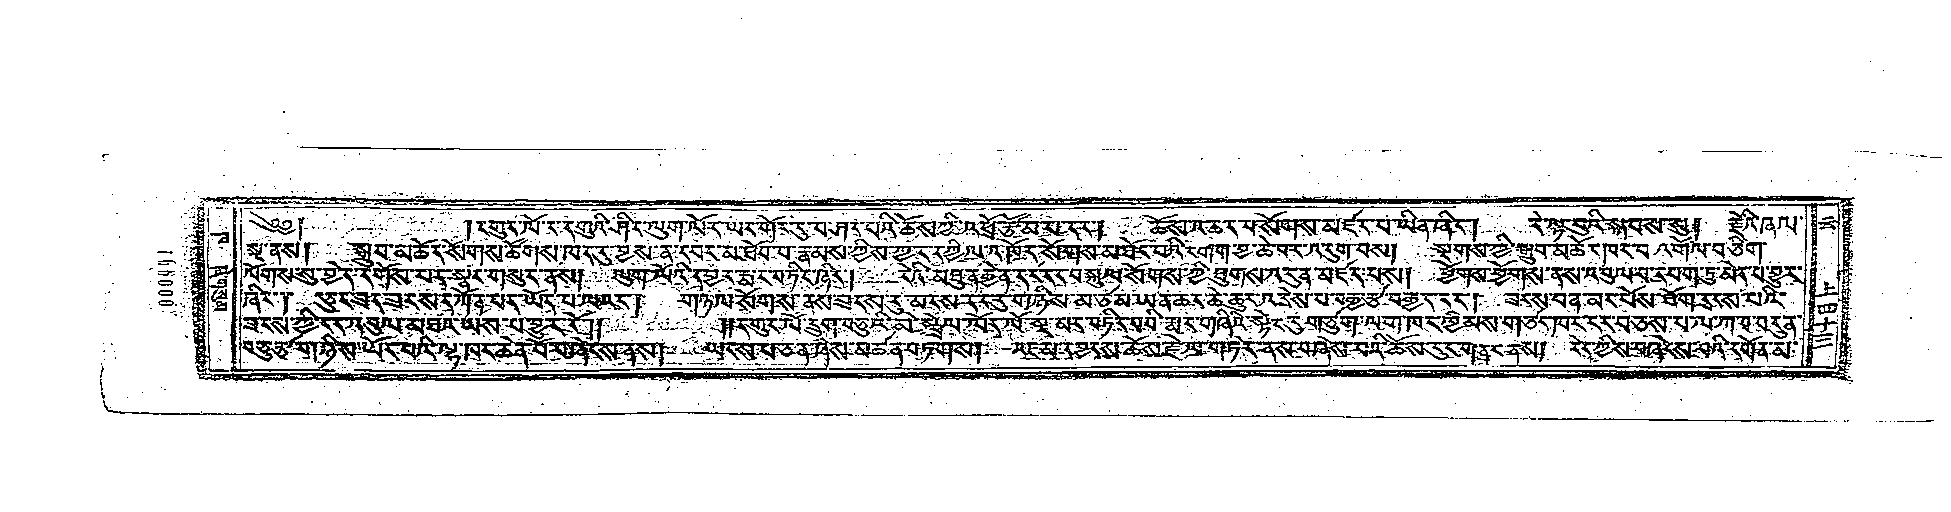༄༅། །དགུང་ལོ་ང་དགུའི་ཤིང་ལུག་ལོར་ཡང་གོང་དུ་བཤད་པའི་ཆོས་ཀྱི་འཕྲོ་རྩོམ་པ་དང་། ཆོས་འཆད་པ་སོགས་མཛད་པ་ཡིན་ཞིང་། དེ་ལྟ་བུའི་སྐབས་སུ། རྗེའི་ཞལ་
སྔ་ནས། སྒྲུབ་མཆོད་སོགས་ཚོགས་ཁང་དུ་བྱས་ན་དབང་མཐོབ་པ་རྣམས་ཀྱིས་ཀྱང་དཀྱིལ་འཁོར་སོགས་མཐོང་བའི་དགག་བྱ་ཆེ་བར་འདུག་བས། སྔགས་ཀྱི་སྒྲུབ་མཆོད་ཁང་པ་འགོལ་བ་ཅིག་
ལོགས་སུ་བྱེད་དགོས་པར་སྣང་གསུང་ནས། ལུག་ལོའི་དཔྱར་རྨང་བཏིང་ཞིང་། དེའི་མཐུན་རྒྱེན་དང་དད་བསྐུལ་སོགས་ཀྱི་ཐུགས་འདུན་མཛད་པས། ཕྱོགས་ཕྱོགས་ནས་འབུལ་བ་དཔག་ཏུ་མེད་པ་བྱུང་
ཞིང༑ ཅུང་ཟད་ཟངས་དཀོན་པར་ཡོད་པ་ལའང་། གཉལ་སོགས་ནས་ཟངས་རུ་མངས་དང་རུ་གཉིས་མ་ཙམ་ཡན་ཆད་ཆེ་ཆུང་འདྲེས་པ་བརྒྱ་རྩ་བརྒྱད་དང་། ཐངས་བན་མང་པོས་ཐོག་དྲངས་པའི་
ཟངས་ཀྱི་དད་འབུལ་མཐའ་ཡས་པ་བྱུང་ངོ།། །།དགུང་ལོ་དྲུག་བཅུའི་མེ་སྤྲེལ་ལོར་ལོ་སྔ་མར་བཏིང་བའི་རྨད་གཞིའི་སྟེང་དུ་གཙུག་ལག་ཁང་ཁྱིམས་གཅད་ཁང་དང་བཅས་པ་ལ་ཀ་བ་བདུན་
བཅུ་རྩ་གཉིས་ཡོད་པའི་ལྷ་ཁང་ཆེན་པོ་བཞེངས་ནས། ཡངས་པ་ཅན་ཞེས་མཚན་བཏགས། འཇམ་དབྱངས་ཆོས་རྗེ་ལ་གཏེར་ནས་བཞེས་པའི་ཆོས་དུང་གནང་ནས། དེད་ཀྱིས་བཞེངས་པའི་དགོན་མ་